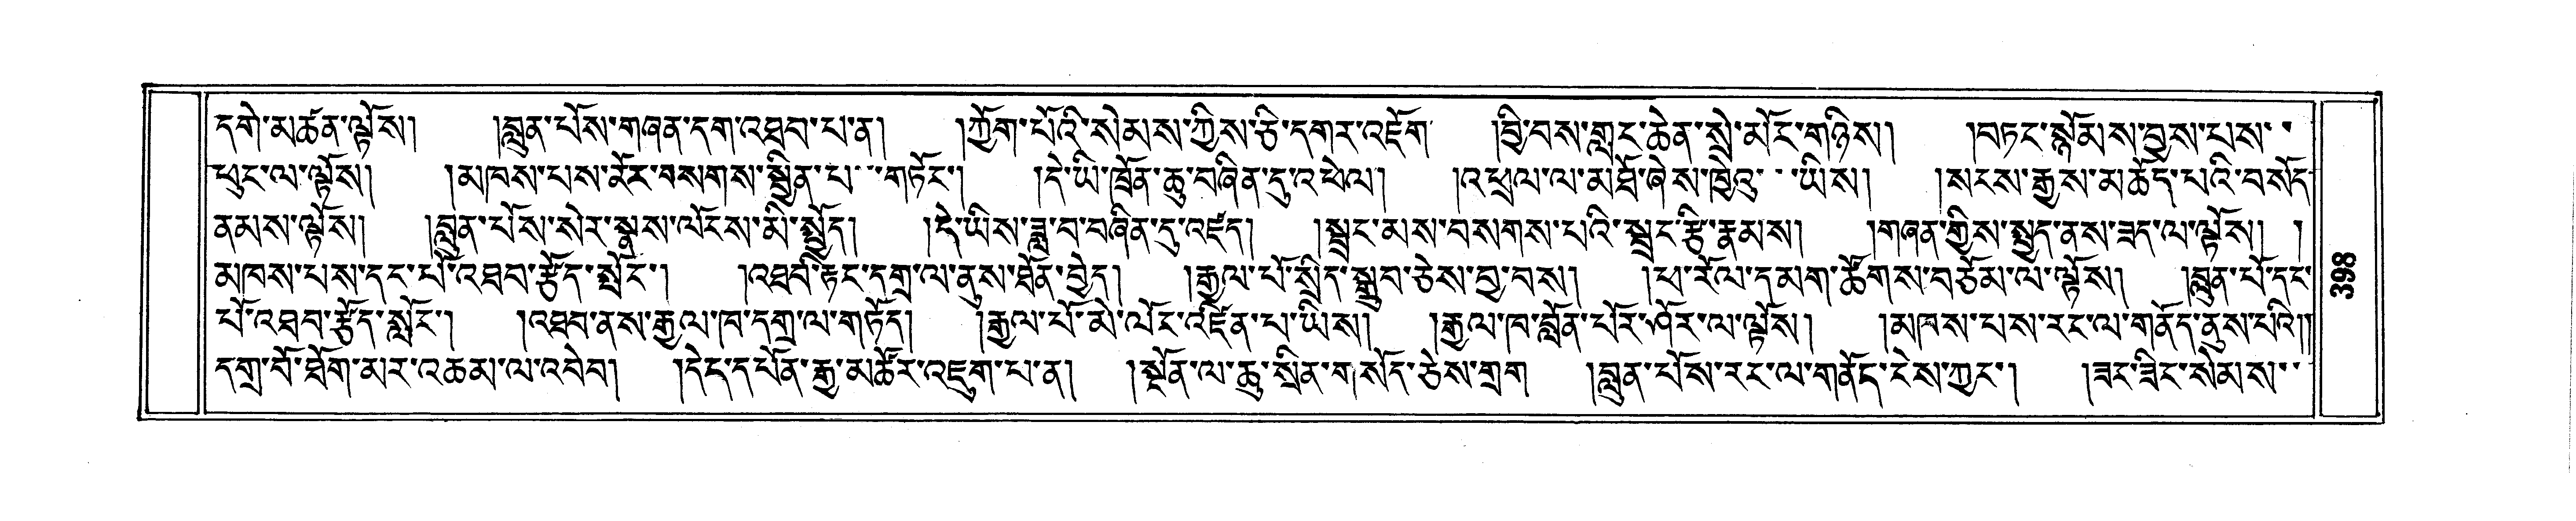དགེ་མཚན་ལྟོས། །བླུན་པོས་གཞན་དག་འཐབ་པ་ན། །ཀྱོག་པོའི་སེམས་ཀྱིས་ཅི་དགར་འཇོག །བྱི་བས་གླང་ཆེན་སྲེ་མོང་གཉིས། །བཏང་སྙོམས་བྱས་པས་
ཕུང་ལ་ལྟོས། །མཁས་པས་ནོར་བསགས་སྦྱིན་པ་གཏོང་། །དེ་ཡི་ཁྲོན་ཆུ་བཞིན་དུ་འཕེལ། །འཕྲལ་ལ་མཐོ་ཞེས་ཁྱེའུ་ཡིས། །སངས་རྒྱས་མཆོད་པའི་བསོད་
ནམས་ལྟོས། །བླུན་པོས་སེར་སྣན་ལོངས་མི་སྤྱོད། །དེ་ཡིས་ཟླ་བ་བཞིན་དུ་འཛད། །སྦྲང་མས་བསགས་པའི་སྦྲང་རྩི་རྣམས། །གཞན་གྱིས་སྤྱད་ནས་ཟད་ལ་ལྟོས། །
མཁས་པས་དང་པོ་འཐབ་རྩོད་སྤོང་། །འཐབ་རྟིང་དགྲ་ལ་ནུས་ཐོན་བྱེད། །རྒྱལ་པོ་སྲིད་སྒྲུབ་ཅེས་བྱ་བས། །ཕ་རོལ་དམག་ཚོགས་བཅོམ་ལ་ལྟོས། །བླུན་པོ་དང་
པོ་འཐབ་རྩོད་སློང་། །འཐབ་ནས་རྒྱལ་ཁ་དགྲ་ལ་གཏོད། །རྒྱལ་པོ་མེ་ལོང་འཛིན་པ་ཡིས། །རྒྱལ་ཁ་བློན་པོར་ཤོར་ལ་ལྟོས། །མཁས་པས་རང་ལ་གནོད་ནུས་པའི།།
དགྲ་བོ་ཐོག་མར་འཆམ་ལ་འབེབ། །དེད་དཔོན་རྒྱ་མཚོར་འཇུག་པ་ན། །སྔོན་ལ་ཆུ་སྲིན་གསོད་ཅེས་གྲག །བླུན་པོས་རང་ལ་གནོད་ངེས་ཀྱང་། །ཟང་ཟིང་སེམས་